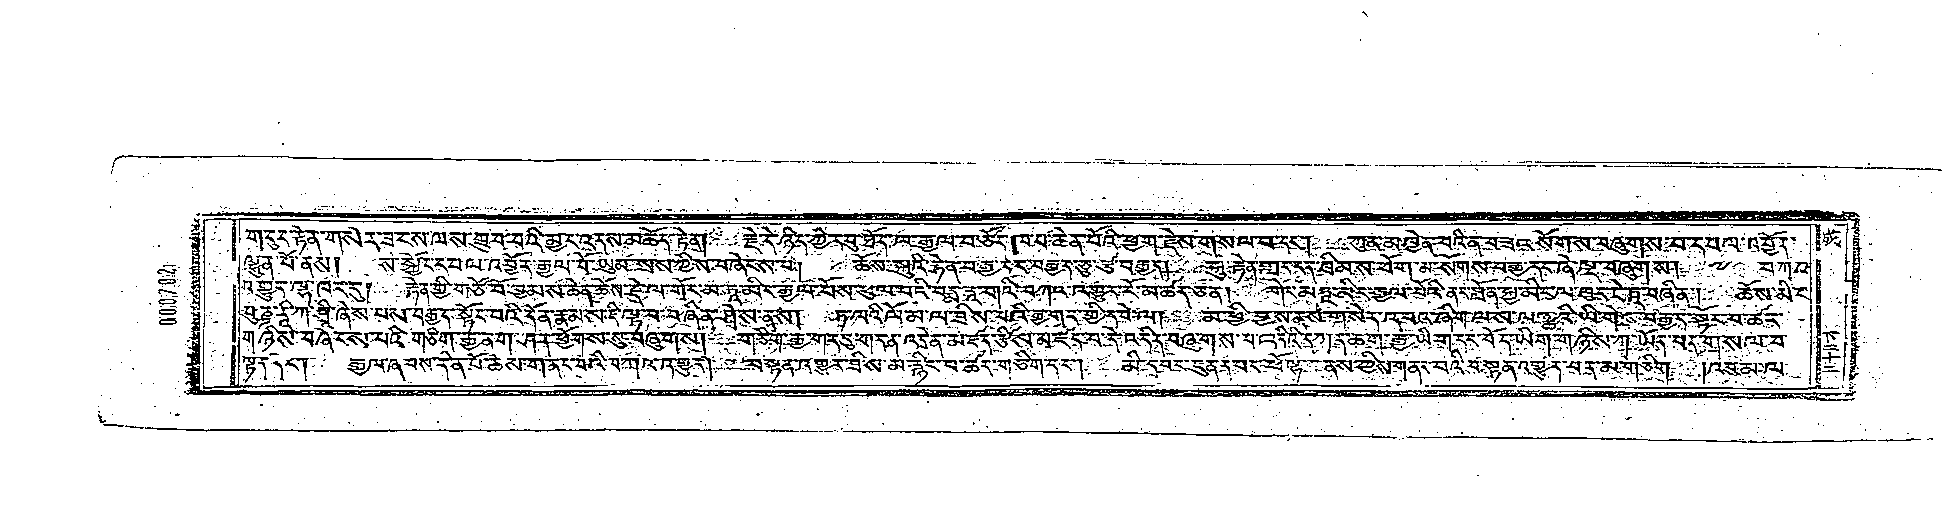གདུང་རྟེན་གསེར་ཟངས་ལས་གྲུབ་བའི་མྱང་འདས་མཆོད་རྟེན། རྗེ་དེ་ཉིད་ཀྱི་དབུ་ཐོད་ལ་རྒྱལ་བ་ཙོང་ཁ་པ་ཆེན་པོའི་ཕྱག་རྗེས་གསལ་བ་དང་། ཀུན་མཁྱེན་པའི་ན་བཟའ་སོགས་བཞུགས་པ་དཔལ་འབྱོར་
ལྷུན་པོ་ནས། ས་སྐྱོང་དཔལ་འབྱོར་རྒྱལ་བོ་ཡུམ་སྲས་ཀྱིས་བཞེངས་པ། ཆོས་སྐུའི་རྟེན་བརྒྱ་ངང་བརྒྱད་ཅུ་རྩ་བརྒྱད། སྐུ་རྟེན་གླང་དད་ཁྲིམས་ཕོག་མ་སོགས་བརྒྱ་དང་ཞེ་ལྔ་བཞུགས། ༧་བཀའ་
འགྱུར་ལྷ་ཁང་དུ། རྟེན་གྱི་གཙོ་བོ་བྱམས་ཆེན་ཆོས་རྗེ་ལ་གོང་མ་ཏཱ་མིང་རྒྱལ་པོས་ཕུལ་བའི་པདམ་རཱ་གའི་བཀའ་འགྱུར་ངོ་མཚར་ཅན། གོང་མ་ཏཱ་མིང་རྒྱལ་པོའི་ནང་བློན་སྐྱ་མིང་ལ་ཁུང་དེ་ཏཱ་བཞིན། ཆོས་མིང་
བུཎྜ་རཱི་ཀ་ཤྲཱི་ཞེས་པས་བརྒྱང་སྟོང་པའི་དོན་རྣམས་ཇི་ལྟ་བ་བཞིན་ཤེས་ནས། ཏ་ལའི་ལོ་མ་ལ་བྲིས་པའི་རྒྱ་གར་གྱི་དབེ་ལ། མ་ཕྱི་བྱས་ནས་གསེར་འབའ་ཞིག་ལས་ལཉྪའི་ཡི་གེས་བརྒྱད་སྟོང་བ་ཚར་
གཉིས་བཞེངས་པའི་གཅིག་རྒྱ་ནག་ཤར་ཕྱོགས་སུ་བཞུགས། གཅིག་རྒྱ་གར་དུ་གདན་འདྲེན་མཛད་རྩིས་མཛད་པ་དེ་འདིར་བཞུགས་པ་འདིའི་དཀར་ཆག་རྒྱ་ཡིག་དང་བོད་ཡིག་གཉིས་ཀ་ཡོད་པར་གསལ་བ་
ལྟད་དང་། རྒྱལ་ཞབས་རིན་པོ་ཆེས་གནང་བའི་བཀའ་འགྱུར། བསྟན་འགྱུར་བྲིས་མ་རྙིང་པ་ཚར་གཅིག་དང་། མི་དབང་ཇུན་དབང་ཕོ་ལྷ་ནས་ཀྱིས་གནང་བའི་བསྟན་འགྱུར་པར་མ་གཅིག །འབུམ་ལ་